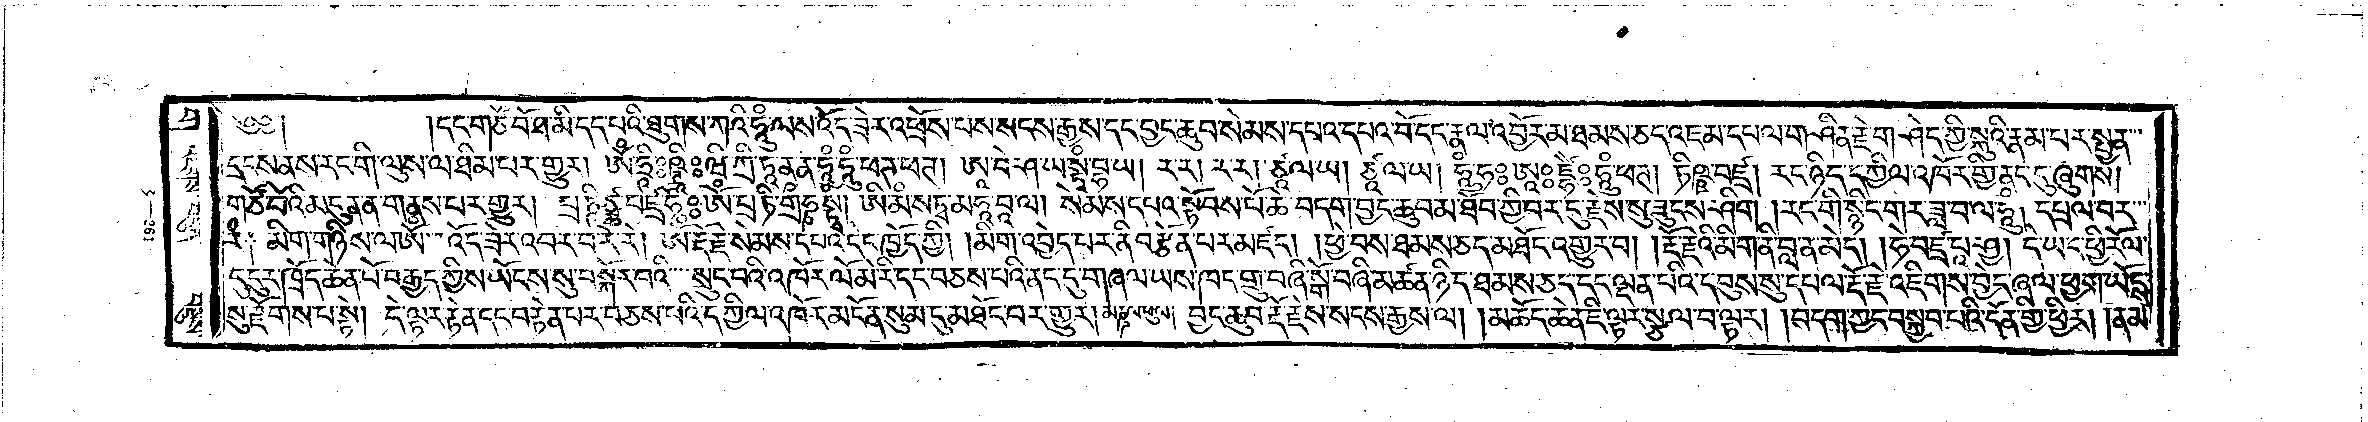༄༅། །དང་གཙོ་བོ་ཐ་མི་དད་པའི་ཐུགས་ཀའི་ཧཱུཾ་ལས་འོད་ཟེར་འཕྲོས་པས་སངས་རྒྱས་དང་བྱང་ཆུབ་སེམས་དཔའ་དཔའ་བོ་དང་རྣལ་འབྱོར་མ་ཐམས་ཅད་འཇམ་དཔལ་གཤིན་རྗེ་གཤེད་ཀྱི་སྐུའི་རྣམ་པར་སྤྱན་
དྲངས་ནས་རང་གི་ལུས་ལ་ཐིམ་པར་གྱུར། ཨོཾ་ཧྲཱིཿཥྚྲཱིཿཝི་ཀྲི་ཏཱ་ན་ན་ཧཱུཾ་ཧཱུཾ་ཕཌ་ཕཌ། ཨཱ་བེ་ཤ་ཡ་སྟྭཾ་བྷ་ཡ། ར་ར། ར་ར། ཙཱ་ལ་ཡ། ཙཱ་ལ་ཡ། ཧཱུཾ་ཧཿཨཱཿཛྷཻཿཧཱུཾ་ཕཌ། ཏིཥཊཿཨ་བཛྲ། རང་ཉིད་དཀྱིལ་འཁོར་གྱི་ནང་དུ་ཞུགས།
གཙོ་བོའི་མདུན་ན་གནས་པར་གྱུར། པྲ་ཎི་དྭྷ་བཛྲ་ཧོཿ ཨོཾ་པྲ་ཏི་གྲིཧྞ་སཏྭ། ཨི་མཾ་སཏྭ་མཧཱ་བཱ་ལ། སེམས་དཔའ་སྟོབས་པོ་ཆེ་བདག་བྱང་ཆུབ་མ་ཐོབ་ཀྱི་བར་དུ་རྗེས་སུ་ཟུངས་ཤིག །རང་གི་སྙིང་གར་ཟླ་བ་ལ་ཧཱུཾ། དཔྲལ་བར་
རཾ༑ མིག་གཉིས་ལ་ཨོཾ་འོད་ཟེར་འབར་བར་དེ། ཨོཾ་རྡོ་རྗེ་སེམས་དཔའ་དེང་ཁྱོད་ཀྱི། །མིག་འབྱེད་པར་ནི་བརྩོན་པར་མཛད། །ཕྱེ་བས་ཐམས་ཅད་མཐོང་འགྱུར་བ། །རྡོ་རྗེའི་མིག་ནི་བླ་ན་མེད། །ཧེ་བཛྲ་པཱ་ཤྱ། དེ་ཡང་ཕྱི་རོལ་
དུ་དུར་ཁྲོད་ཆེན་པོ་བརྒྱད་ཀྱིས་ཡོངས་སུ་བསྐོར་བའི་སྲུང་བའི་འཁོར་ལོ་མེ་རི་དང་བཅས་པའི་ནང་དུ་གཞལ་ཡས་ཁང་གྲུ་བཞི་སྒོ་བཞི་མཚན་ཉིད་ཐམས་ཅད་དང་ལྡན་པའི་དབུས་སུ་དཔལ་རྡོ་རྗེ་འཇིགས་བྱེད་ཞལ་ཕྱག་ཡོངས་
སུ་རྫོགས་པ་སྟེ། དེ་ལྟར་རྟེན་དང་བརྟེན་པར་བཅས་པའི་དཀྱིལ་འཁོར་མངོན་སུམ་དུ་མཐོང་བར་གྱུར། མཎྜལ་ཕུལ།  བྱང་ཆུབ་རྡོ་རྗེས་སངས་རྒྱས་ལ། །མཆོད་ཆེན་ཇི་ལྟར་སྩལ་བ་ལྟར། །བདག་ཀྱང་བསྐྱབ་པའི་དོན་གྱི་ཕྱིར། །ནམ་